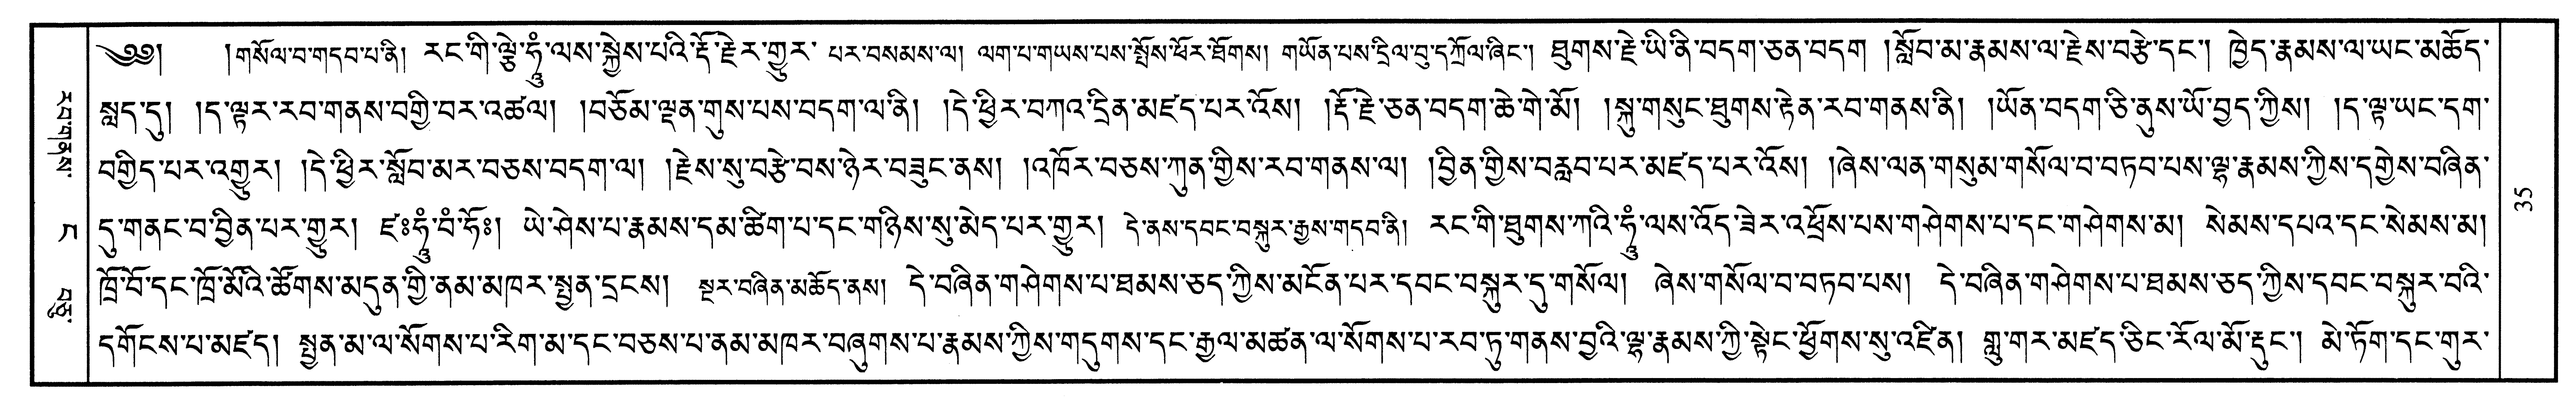༄༅། །གསོལ་བ་གདབ་པ་ནི། རང་གི་ལྕེ་ཧཱུཾ་ལས་སྐྱེས་པའི་རྡོ་རྗེར་གྱུར་པར་བསམས་ལ། །ལག་པ་གཡས་པས་སྤོས་ཕོར་ཐོགས། གཡོན་པས་དྲིལ་བུ་དཀྲོལ་ཞིང་། ཐུགས་རྗེ་ཡི་ནི་བདག་ཅན་བདག །སློབ་མ་རྣམས་ལ་རྗེས་བརྩེ་དང་། ཁྱེད་རྣམས་ལ་ཡང་མཆོད་
སླད་དུ། །ད་ལྟར་རབ་གནས་བགྱི་བར་འཚལ། །བཅོམ་ལྡན་གུས་པས་བདག་ལ་ནི། །དེ་ཕྱིར་བཀའ་དྲིན་མཛད་པར་འོས། །རྡོ་རྗེ་ཅན་བདག་ཆེ་གེ་མོ། །སྐུ་གསུང་ཐུགས་རྟེན་རབ་གནས་ནི། །ཡོན་བདག་ཅི་ནུས་ཡོ་བྱད་ཀྱིས། །ད་ལྟར་ཡང་དག་
བགྱིད་པར་འགྱུར། །དེ་ཕྱིར་སློབ་མར་བཅས་བདག་ལ། །རྗེས་སུ་བརྩེ་བས་ཉེར་བཟུང་ནས། །འཁོར་བཅས་ཀུན་གྱིས་རབ་གནས་ལ། །བྱིན་གྱིས་བརླབ་པར་མཛད་པར་འོས། །ཞེས་ལན་གསུམ་གསོལ་བ་བཏབ་པས་ལྷ་རྣམས་ཀྱིས་དགྱེས་བཞིན་
དུ་གནང་བ་བྱིན་པར་གྱུར། ཛཿ ཧཱུཾ་བཾ་ཧོཿ། ཡེ་ཤེས་པ་རྣམས་དམ་ཚིག་པ་དང་གཉིས་སུ་མེད་པར་གྱུར། དེ་ནས་དབང་བསྐུར་རྒྱས་གདབ་ནི། རང་གི་ཐུགས་ཀའི་ཧཱུཾ་ལས་འོད་ཟེར་འཕྲོས་པས་གཤེགས་པ་དང་གཤེགས་མ། སེམས་དཔའ་དང་སེམས་མ།
ཁྲོ་བོ་དང་ཁྲོ་མོའི་ཚོགས་མདུན་གྱི་ནམ་མཁར་སྤྱན་དྲངས། སྔར་བཞིན་མཆོད་ནས། དེ་བཞིན་གཤེགས་པ་ཐམས་ཅད་ཀྱིས་མངོན་པར་དབང་བསྐུར་དུ་གསོལ། ཞེས་གསོལ་བ་བཏབ་པས། དེ་བཞིན་གཤེགས་པ་ཐམས་ཅད་ཀྱི་དབང་བསྐུར་བའི་
དགོངས་པ་མཛད། སྤྱན་མ་ལ་སོགས་པ་རིག་མ་དང་བཅས་པ་ནམ་མཁར་བཞུགས་པ་རྣམས་ཀྱིས་གདུགས་དང་རྒྱལ་མཚན་ལ་སོགས་པ་རབ་ཏུ་གནས་བྱའི་ལྷ་རྣམས་ཀྱི་སྟེང་ཕྱོགས་སུ་འཛིན། གླུ་གར་མཛད་ཅིང་རོལ་མོ་རྡུང་། མེ་ཏོག་དང་གུར་